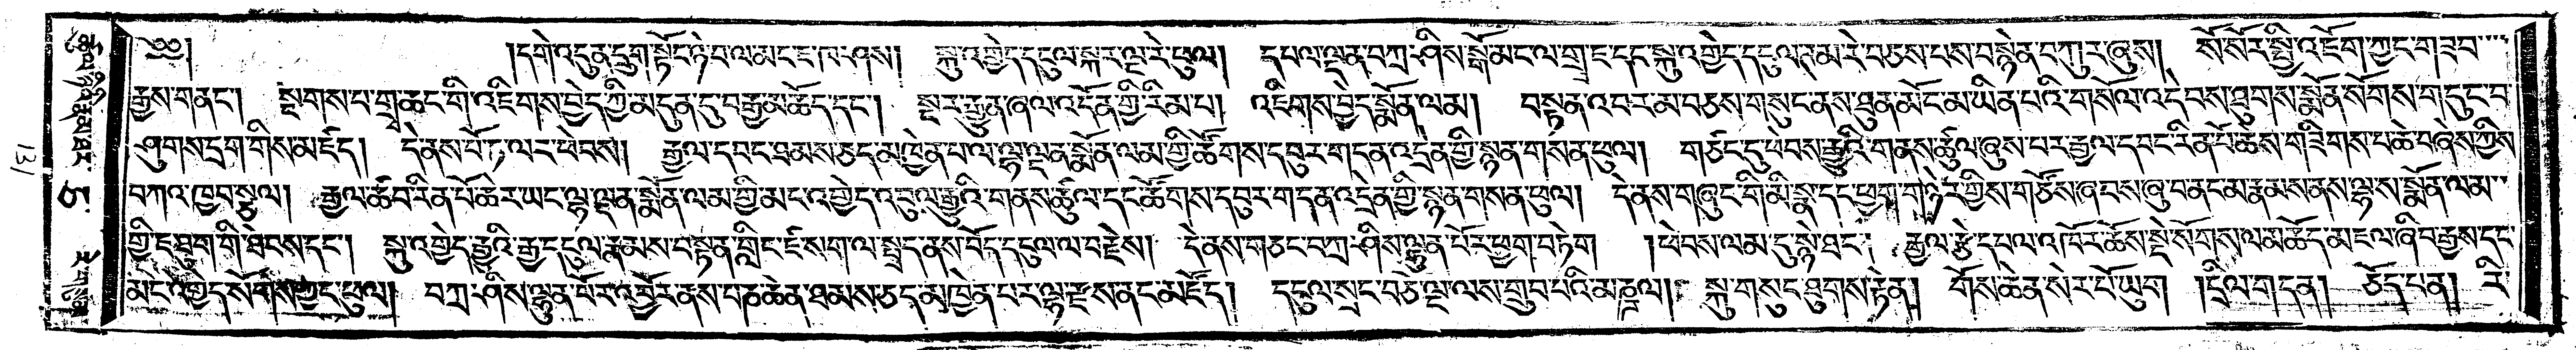༄༅། །དགེ་འདུན་དྲུག་སྟོང་ཉེ་བ་ལ་མང་ཇ་ཁ་ཤས། སྐུ་འགྱེད་དངུལ་སྐར་ལྔ་རེ་ཕུལ། དཔལ་ལྡན་བཀྲ་ཤིས་སྒོ་མང་ལ་གྲྭ་ཇ་དང་སྐུ་འགྱེད་དངུལ་ཊམ་རེ་བཅས་པས་བསྙེན་བཀུར་ཞུས། སོ་སོར་སྤྱི་འཇོག་ཀྱང་གཟབ་
རྒྱས་གནང་། སྔགས་པ་གྲྭ་ཚང་གི་འཇིགས་བྱེད་ཀྱི་མདུན་དུ་བརྒྱ་མཆོད་དང་། སྔར་རྒྱུན་ཞལ་འདོན་གྱི་རིམ་པ། འཇིགས་བྱེད་སྨོན་ལམ། བསྟན་འབར་མ་བཅས་གསུང་ནས་ཐུན་མོང་མ་ཡིན་པའི་གསོལ་འདེབས་ཐུགས་སྨོན་སོགས་གདུང་བ་
ཤུགས་དྲག་གིས་མཛད། དེ་ནས་བོ་ཏ་ལར་ཕེབས། རྒྱལ་དབང་ཐམས་ཅད་མཁྱེན་པ་ལ་ལྷ་ལྡན་སྨོན་ལམ་གྱི་ཚོགས་དབུར་གདན་འདྲེན་གྱི་སྙན་གསན་ཕུལ། གཙང་དུ་ཕེབས་རྒྱུའི་གནས་ཚུལ་ཞུས་པར་རྒྱལ་དབང་རིན་པོ་ཆེས་གཟིགས་པ་ཆེ་བཞེས་ཀྱིས་
བཀའ་ཁྱབ་སྩལ། རྒྱལ་ཚབ་རིན་པོ་ཆེར་ཡང་ལྷ་ལྡན་སྨོན་ལམ་གྱི་མང་འགྱེད་འབུལ་རྒྱུའི་གནས་ཚུལ་དང་ཚོགས་དབུར་གདན་འདྲེན་གྱི་སྙན་གསན་ཕུལ། དེ་ནས་གཞུང་གི་མི་སྣ་དང་ཕྱག་གཉེར་གྱིས་གཙོས་ཞབས་ཞུ་བ་ནང་མ་རྣམས་ནས་ལྷས་སྨོན་ལམ་
གྱི་ཇ་ཐུག་གི་ཐེབས་དང་། སྐུ་འགྱེད་རྒྱུའི་རྒྱ་དངུལ་རྣམས་བསྟན་གླིང་ཛ་སག་ལ་སྤྲད་ནས་བོད་དངུལ་ལ་བརྗེས། དེ་ནས་གཙང་བཀྲ་ཤིས་ལྷུན་པོར་ཕྱག་བཏེག །ཕེབས་ལམ་དུ་སྙེ་ཐང་། རྒྱལ་རྩེ་དཔལ་འཁོར་ཆོས་སྡེ་སོགས་ལ་མཆོད་མཇལ་ཞིབ་རྒྱས་དང་
མང་འགྱེད་སོགས་ཀྱང་ཕུལ། བཀྲ་ཤིས་ལྷུན་པོར་འབྱོར་ནས་པཎ་ཆེན་ཐམས་ཅད་མཁྱེན་པར་ལྷ་རྫས་ནང་མཛོད། དངུལ་སྲང་བཅོ་ལྔ་ལས་གྲུབ་པའི་མཎྜལ། སྐུ་གསུང་ཐུགས་རྟེན། གོས་ཆེན་སེར་པོ་ཡུག །དྲིལ་གདན། ཅོད་པན། རི་